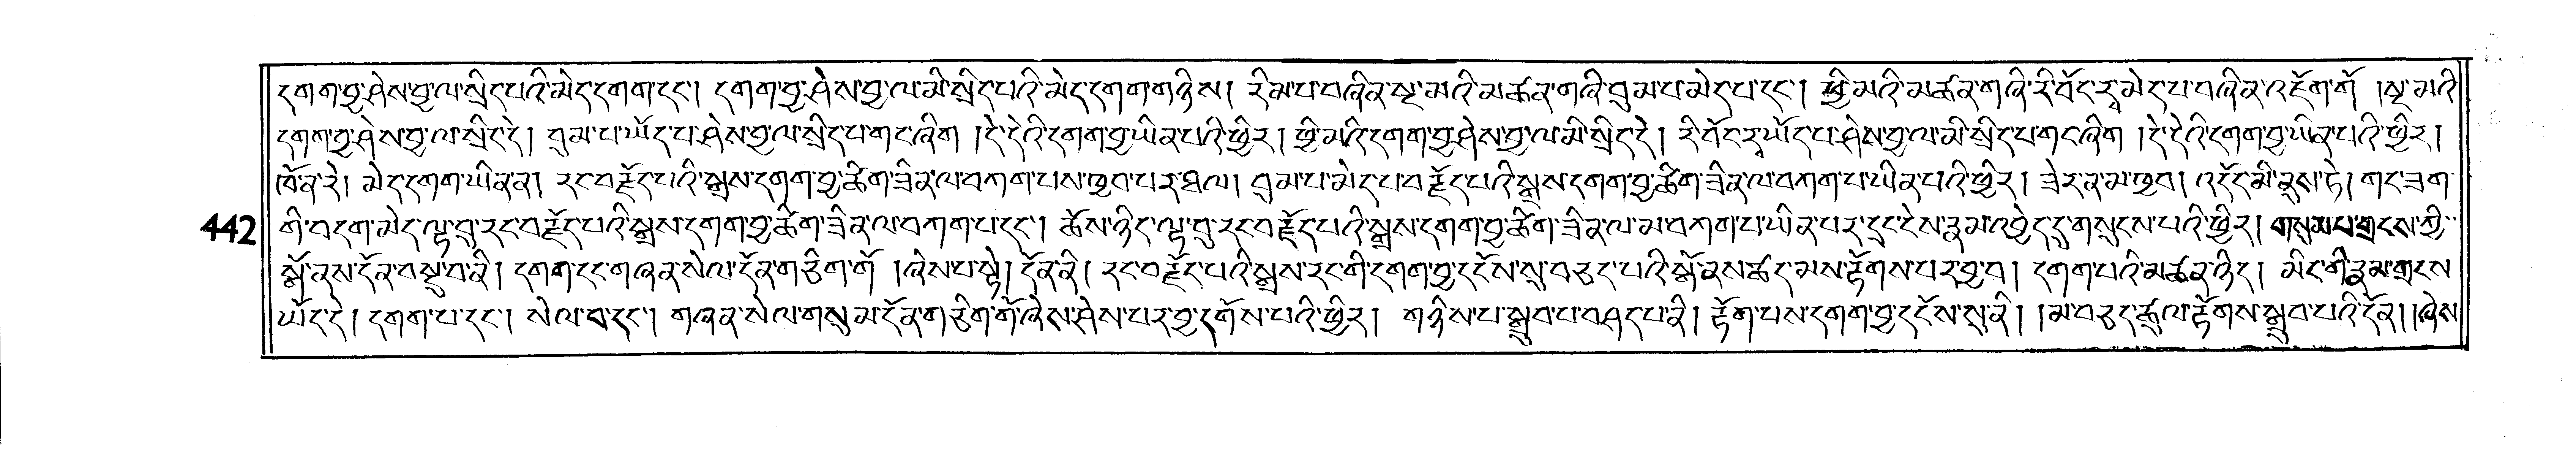དགག་བྱ་ཤེས་བྱ་ལ་སྲིད་པའི་མེད་དགག་དང་། དགག་བྱ་ཤེས་བྱ་ལ་མི་སྲིད་པའི་མེད་དགག་གཉིས། རིམ་པ་བཞིན་སྔ་མའི་མཚན་གཞི་བུམ་པ་མེད་པ་དང་། ཕྱི་མའི་མཚན་གཞི་རི་བོང་རྭ་མེད་པ་བཞིན་འཇོག་གོ། །སྔ་མའི་
དགག་བྱ་ཤེས་བྱ་ལ་སྲིད་དེ། བུམ་པ་ཡོད་པ་ཤེས་བྱ་ལ་སྲིད་པ་གང་ཞི། །དེའི་དགག་བྱ་ཡིན་པའི་ཕྱིར། ཕྱི་མའི་དགག་བྱ་ཤེས་བྱ་ལ་མི་སྲིད་དེ། རི་བོང་རྭ་ཡོད་པ་ཤེས་བྱ་ལ་མི་སྲིད་པ་གང་ཞིག །དེ་དེའི་དགག་བྱ་ཡིན་པའི་ཕྱིར།
ཁོ་ན་རེ། མེད་དགག་ཡིན་ན། རང་བརྗོད་པའི་སྒྲས་དགག་བྱ་ཚིག་ཟིན་ལ་བཀག་པས་ཁྱབ་པར་ཐལ། བུམ་པ་མེད་པ་བརྗོད་པའི་སྒྲས་དགག་བྱ་ཚིག་གི་ཟིན་ལ་བཀག་པ་ཡིན་པའི་ཕྱིར། ཟེར་ན་མ་ཁྱབ། འདོད་མི་ནུས་ཏེ། གང་ཟག་
གི་བདག་མེད་ལྟ་བུ་རང་བརྗོད་པའི་སྒྲས་དགག་བྱ་ཚིག་ཟིན་ལ་བཀག་པ་དང་། ཆོས་ཉིད་ལྟ་བུ་རང་བརྗོད་པའི་སྒྲས་དགག་བྱ་ཚིག་ཟིན་ལ་མ་བཀག་པ་ཡིན་པར་དྲང་ངེས་རྣམ་འབྱེད་དུ་གསུངས་པའི་ཕྱིར། གསུམ་པ་གྲངས་ཀྱི་
སྒོ་ནས་དོན་བསྡུ་བ་ནི། དགག་དང་གཞན་སེལ་དོན་གཅིག་གོ །ཞེས་པ་སྟེ། དོན་ནི། རང་བརྗོད་པའི་སྒྲས་རང་གི་དགག་བྱ་དངོས་སུ་བཅད་པའི་སྒོ་ནས་ཚད་མས་རྟོགས་པར་བྱ་བ། དགག་པའི་མཚན་ཉིད། མིང་གི་རྣམ་གྲངས་
ཡོང་དེ། དགག་པ་དང་། སེལ་བ་དང་། གཞན་སེལ་གསུམ་མངོན་གཅིག་གོ་ཞེས་ཤེས་པར་བྱ་དགོས་པའི་ཕྱིར། གཉིས་པ་སྒྲུབ་པ་བཤད་པ་ནི། རྟོག་པས་དགག་བྱ་དངོས་སུ་ནི། །མ་བཅད་ཚུལ་རྟོགས་སྒྲུབ་པའི་དོན། །ཞེས་